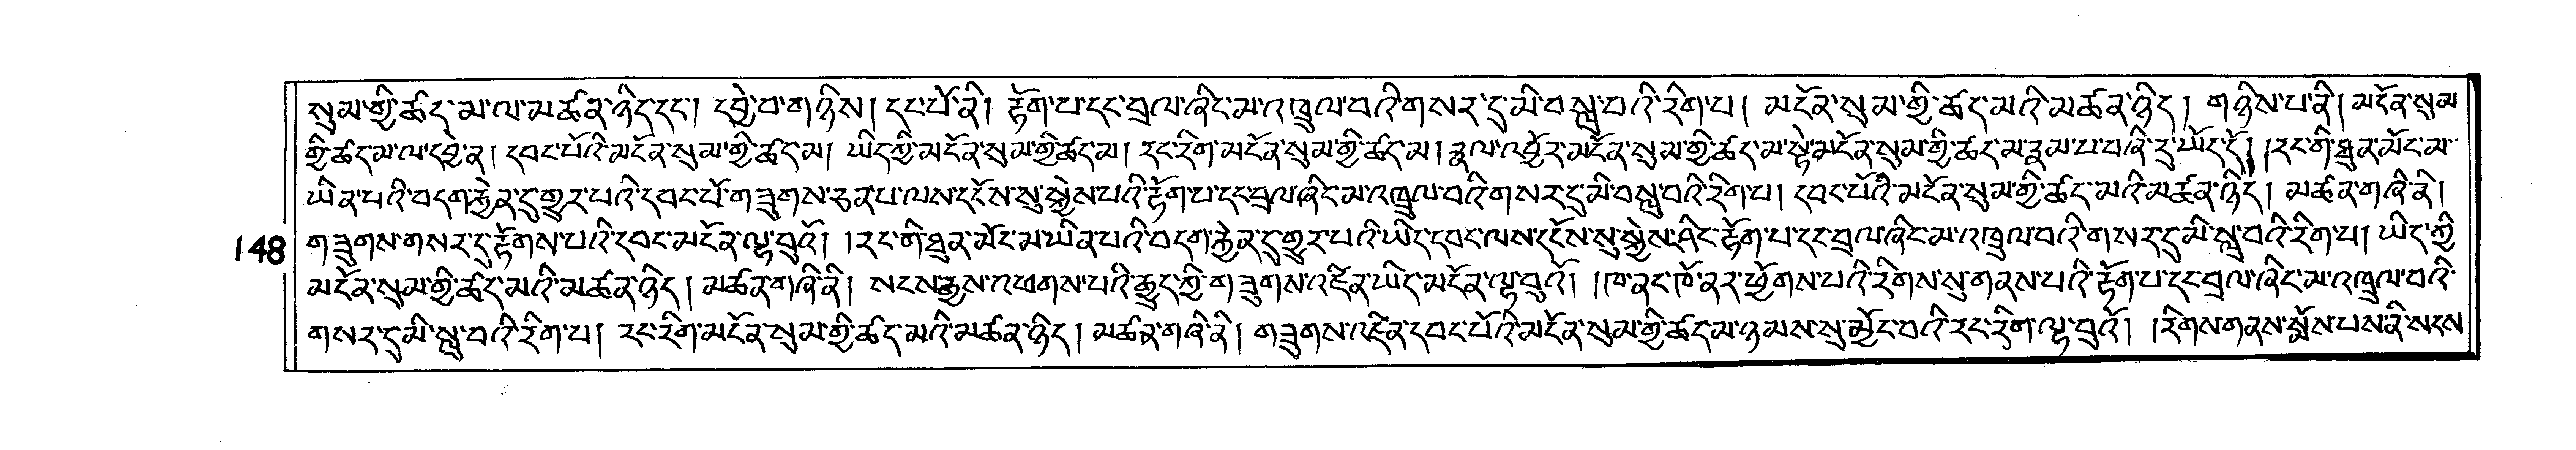སུམ་གྱི་ཚད་མ་ལ་མཚན་ཉིད་དང་། དབྱེ་བ་གཉིས། དང་པོ་ནི། རྟོག་པ་དང་བྲལ་ཞིང་མ་འཁྲུལ་པའི་གསར་དུ་མི་བསླུ་བའི་རིག་པ། མངོན་སུམ་གྱི་ཚད་མའི་མཚན་ཉིད། གཉིས་པ་ནི། མངོན་སུམ་
གྱི་ཚད་མ་ལ་དབྱེ་ན། དབང་པོའི་མངོན་སུམ་གྱི་ཚད་མ། ཡིད་ཀྱི་མངོན་སུམ་གྱི་ཚད་མ། རང་རིག་མངོན་སུམ་གྱི་ཚད་མ། རྣལ་འབྱོར་མངོན་སུམ་གྱི་ཚད་མ་སྟེ་མངོན་སུམ་གྱི་ཚར་མ་རྣམས་པ་བཞི་རུ་ཡོད་དོ། །རང་གི་ཐུན་མོང་མ་
ཡིན་པའི་བདག་རྐྱེན་དུ་གྱུར་པའི་དབང་པོ་གཟུགས་ཅན་པ་ལས་དངོས་སུ་སྐྱེས་པའི་རྟོག་པ་དང་བྲལ་ཞིང་མ་འཁྲུལ་པའི་གསར་དུ་མི་བསླུ་བའི་རིག་པ། དབང་པོའི་མངོན་སུམ་གྱི་ཚད་མའི་མཚན་ཉིད། མཚན་གཞི་ནི།
གཟུགས་གསར་དུ་རྟོགས་པའི་དབང་མངོན་ལྟ་བུའོ། །རང་གི་ཐུན་མོང་མ་ཡིན་པའི་བདག་རྐྱེན་དུ་གྱུར་པའི་ཡིད་དབང་ལས་དངོས་སུ་སྐྱེས་ཤིང་རྟོག་པ་དང་བྲལ་ཞིང་མ་འཁྲུལ་བའི་གསར་དུ་མི་སླུ་བའི་རིག་པ། ཡིད་ཀྱི་
མངོན་སུམ་གྱི་ཚད་མའི་མཚན་ཉིད། མཚན་གཞི་ནི། སངས་རྒྱས་འཕགས་པའི་རྒྱུད་ཀྱི་གཟུགས་འཛིན་ཡིད་མངོན་ལྟ་བུའོ། །ཁ་ནང་ཁོ་ནར་ཕྱོགས་པའི་རིགས་སུ་གནས་པའི་རྟོག་པ་དང་བྲལ་ཞིང་མ་འཁྲུལ་བའི་
གསར་དུ་མི་སླུ་བའི་རིག་པ། རང་རིག་མངོན་སུམ་གྱི་ཚད་མའི་མཚན་ཉིད། མཚན་གཞི་ནི། གཟུགས་འཛིན་དབང་པོའི་མངོན་སུམ་གྱི་ཚད་མ་ཉམས་སུ་མྱོང་བའི་རང་རིག་ལྟ་བུའོ། །རིགས་གནས་སྨོས་པས་ནི་སངས་